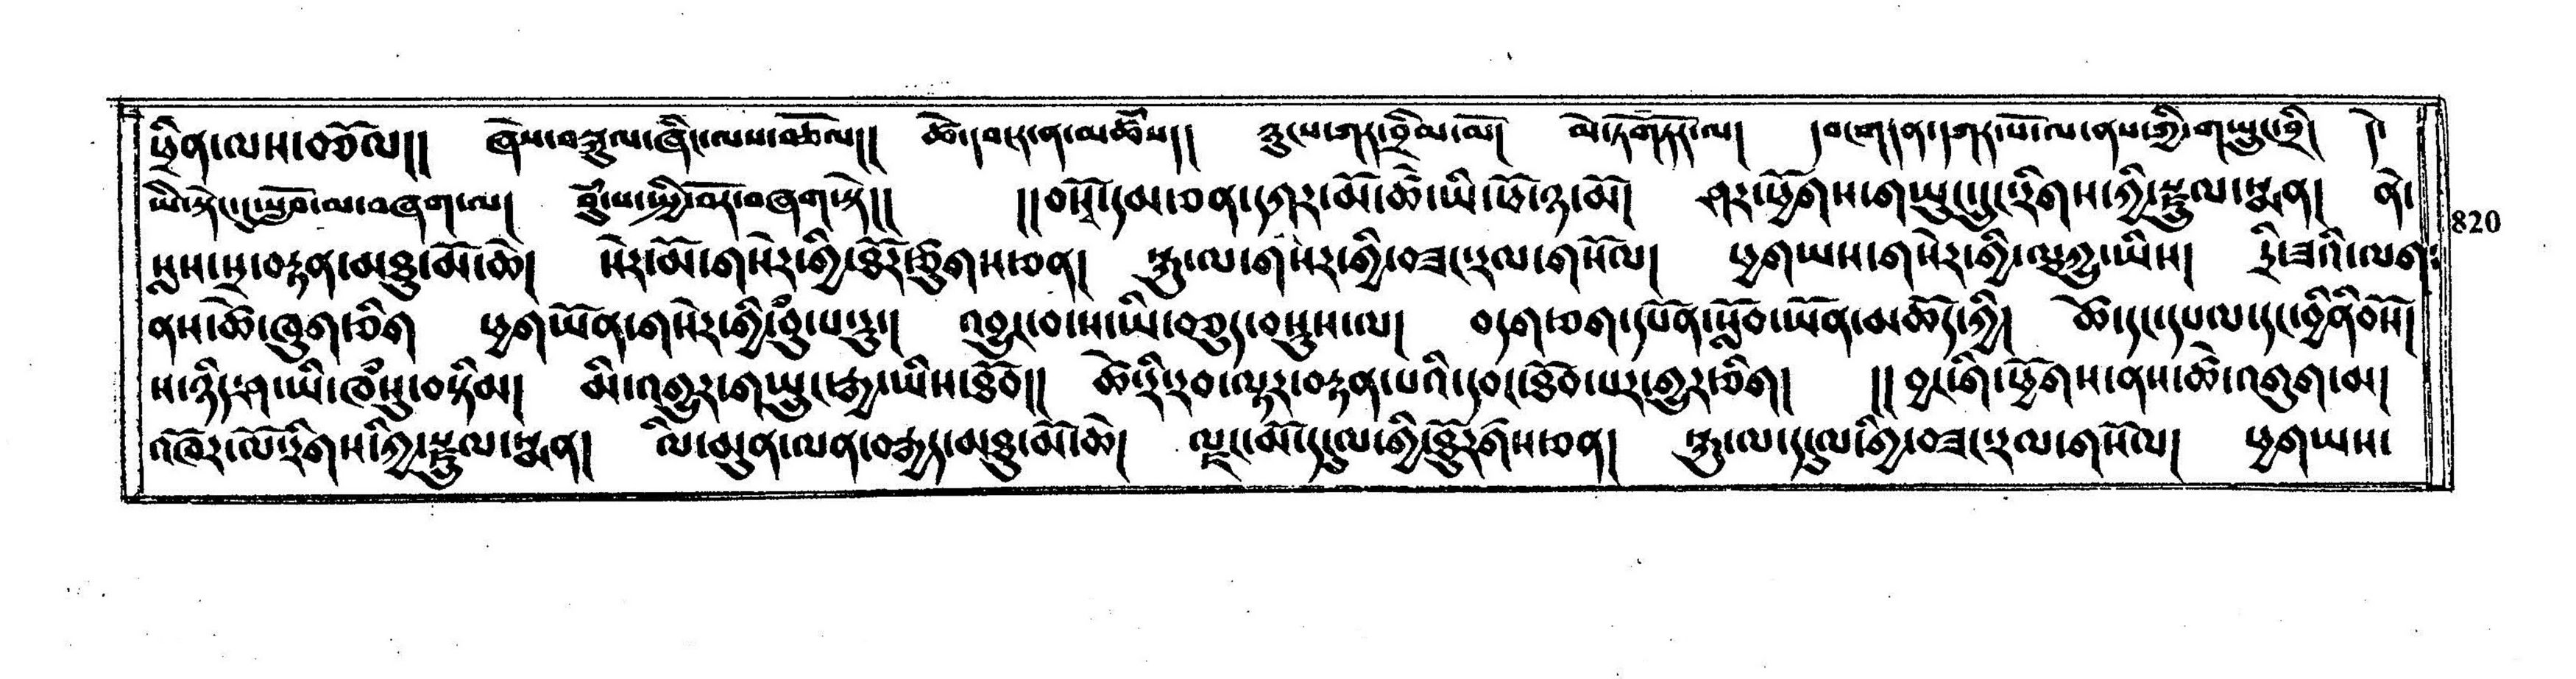ཕྲིན་ལས་བཅོལ།། ཞེས་བསྐུལ་ཞིང་ལས་བཅོལ།། ཚེ་དབང་བསྐུར་ན་མཚམས་བཅད། ཉུངས་ཀར་བྲིམ་མོ། མེ་ཏོག་གཏོར་ལ། དབང་ལྡན་དཀར་པོ་ལ་ནས་ཀྱི་གཡུང་དྲུང་བྲི། དེ་
ཡི་སྟེང་དུ་སློབ་མ་བཞག་ལ། བུམ་པ་སྤྱི་བོར་བཞག་སྟེ།། །།བསྭོ་དམ་ཅན་དཀར་མོ་ཚེ་ཡི་ཕོ་ཉ་མོ། ཤར་ཕྱོགས་གཡུང་དྲུང་རིགས་ཀྱི་རྫུ་འཕྲུལ་སྨན། ནེ་
སླས་སྲ་བརྟན་མཐུ་མོ་ཆེ། སེར་མོ་གསེར་གྱི་ཐོར་ཙུགས་ཅན། སྐུ་ལ་གསེར་གྱི་བཟང་རལ་གསོལ། ཕྱག་གཡས་གསེར་གྱི་ལྕག་ཀྱུ་ཡིས། དྲི་ཟའི་ལག་
ནས་ཚེ་ཁུག་ཅིག ཕྱག་གཡོན་གསེར་གྱི་བུམ་པ་རུ། འབྱུང་བ་ས་ཡི་བཅུད་བསྡུས་ལ། བདག་ཅག་དཔོན་སློབ་ཡོན་མཆོད་ཀྱི། ཚེ་དང་དཔལ་དང་བྱིན་གྱིས་རློབས། 
ས་ཉིད་ཤ་ཡི་ཁམས་གསུམ་བསྟིམ། མི་འགྱུར་གཡུང་དྲུང་རྒྱ་ཡིས་ཐོབ།། ཚེ་རི་རབ་ལྟར་བརྟན་པའི་དབང་ཐོབ་པར་གྱུར་ཅིག །།བྱང་གི་ཕྱོགས་ནས་ཚེ་འགུག་མ། 
འཁོར་ལོ་རིགས་ཀྱི་རྫུ་འཕྲུལ་སྨན། ལི་མུན་ལན་བརྒྱད་མཐུ་མོ་ཆེ། ལྗང་མོ་དངུལ་གྱི་ཐོར་ཚུགས་ཅན། སྐུ་ལ་དངུལ་གྱི་ཐོར་ཚུགས་ཅན། སྐུ་ལ་དངུལ་གྱི་བཟང་རལ་གསོལ། ཕྱག་གཡས་